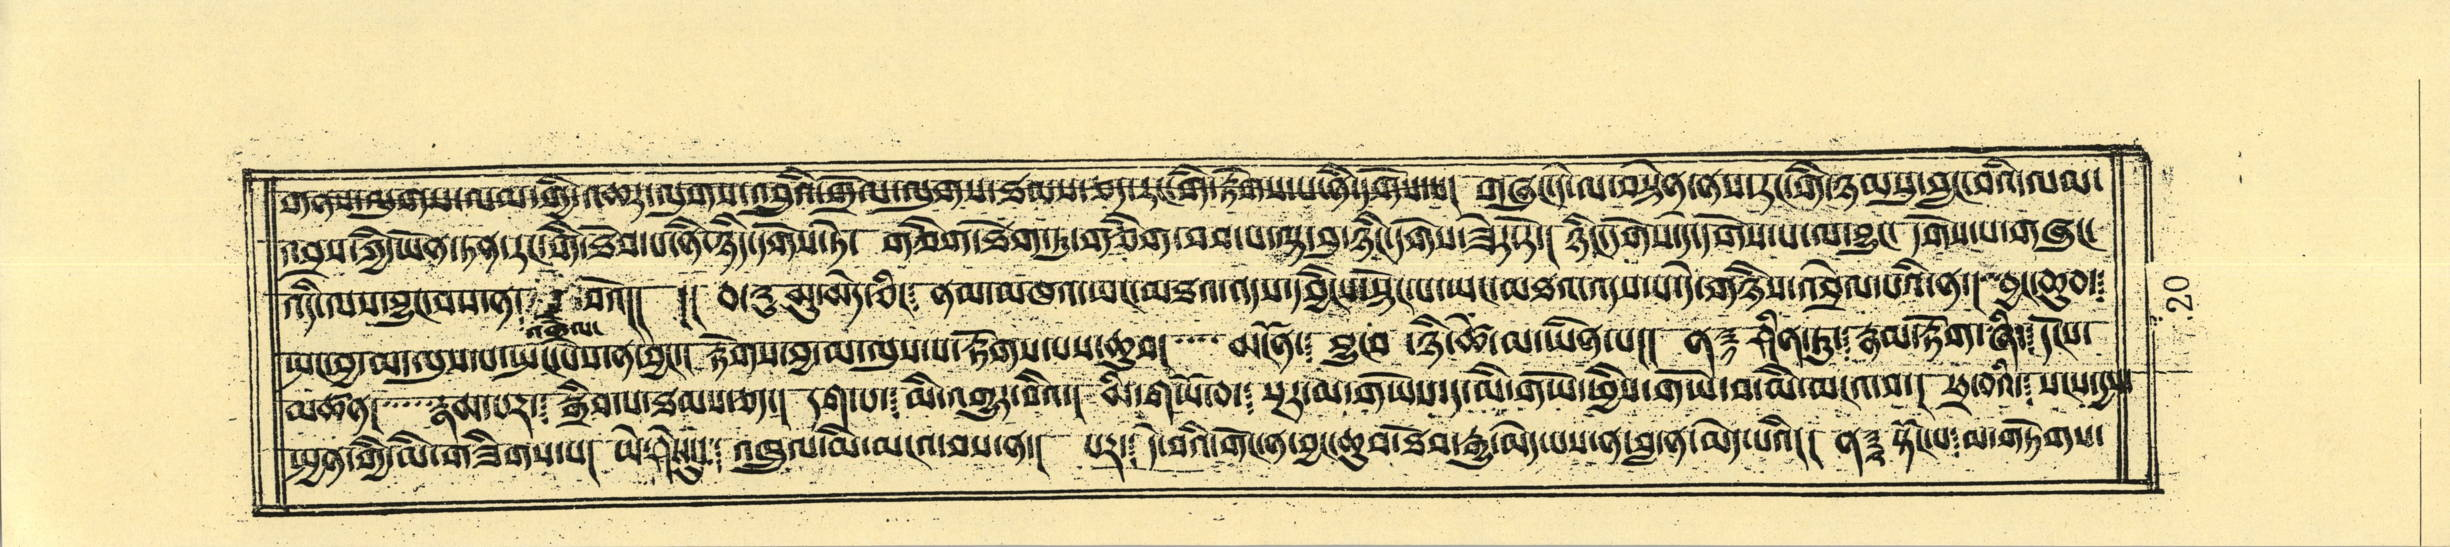གནས་ལུགས་ལམ་གྱི་འཆར་ལུགས་འབྲས་བུའི་གྲོལ་ལུགས་ཐམས་ཅད་རང་གིས་རྟོགས་པ་ནི་དགོས་པ། གཞུང་དེ་ལ་བརྟེན་ནས་རང་གིས་ཉམས་སུ་བླང་བའི་ལམ་
འབྲས་ཀྱི་ཡོན་ཏན་རང་གིས་ཐོབ་པ་ནི་ཉིང་དགོས་ཏེ། གཅིག་ཐོག་ཏུ་གཅིག་བབས་པ་ལྟ་བུ་ཉིང་དགོས་ཟེར་རོ། ཉིང་དགོས་དེ་དགོས་པ་ལས་བྱུང་། དགོས་པ་གཞུང་
འདི་ལས་བྱུང་བས་ན་འགྲེལ་(འབྲེལ་བ)བའོ།། བ་༢།༦་མུ་མེད་ཅིང་ནམ་མཁའ་ཡང་མཐའ་འདས་དབྱིངས་སྟོང་པ་ཡང་མཐའ་འདས་པ་དེ་གཉིས་འབྲེལ་བས་ན། བྱང་ཆུབ་
སྤང་བྱ་མ་ལུས་པ་སྤངས་པས་ན་བྱང་། རྟོགས་བྱ་མ་ལུས་པ་རྟོགས་པས་ཆུབ། མངོན་བྱང་ཆུབ་ཉི་ཚེ་མ་ཡིན་པ། ན༣།༡ ཤིན་ཏུ༑ རྣམ་རྟོག་ཞི༑ དངོས་
མཚན༑ རྣམ་པར༑ སྒྲིབ་པ་ཐམས་ཅད༑ དག་པ༑ མི་འགྱུར་བའི༑ མི་གཡོ་བ༑ སྔར་མ་གཡོས་ད་མི་གཡོ་བ་ཕྱིས་གཡོ་བ་མི་མངའ་བ། ཕྲ་བའི༑ སངས་རྒྱས་
སྤྱན་གྱིས་མི་གཟིགས་པ། ཡེ་ཤེས་སུ། འཁྲུལ་པ་མི་མངའ་བས་ན། པར༑ དེ་བས་གོང་ན་བྱང་ཆུབ་ཐོབ་རྒྱུ་མེད་པས་ན་བླ་ན་མེད་པའི། ན༣།༢ སྟོང་པ༑ མ་གཏོགས་